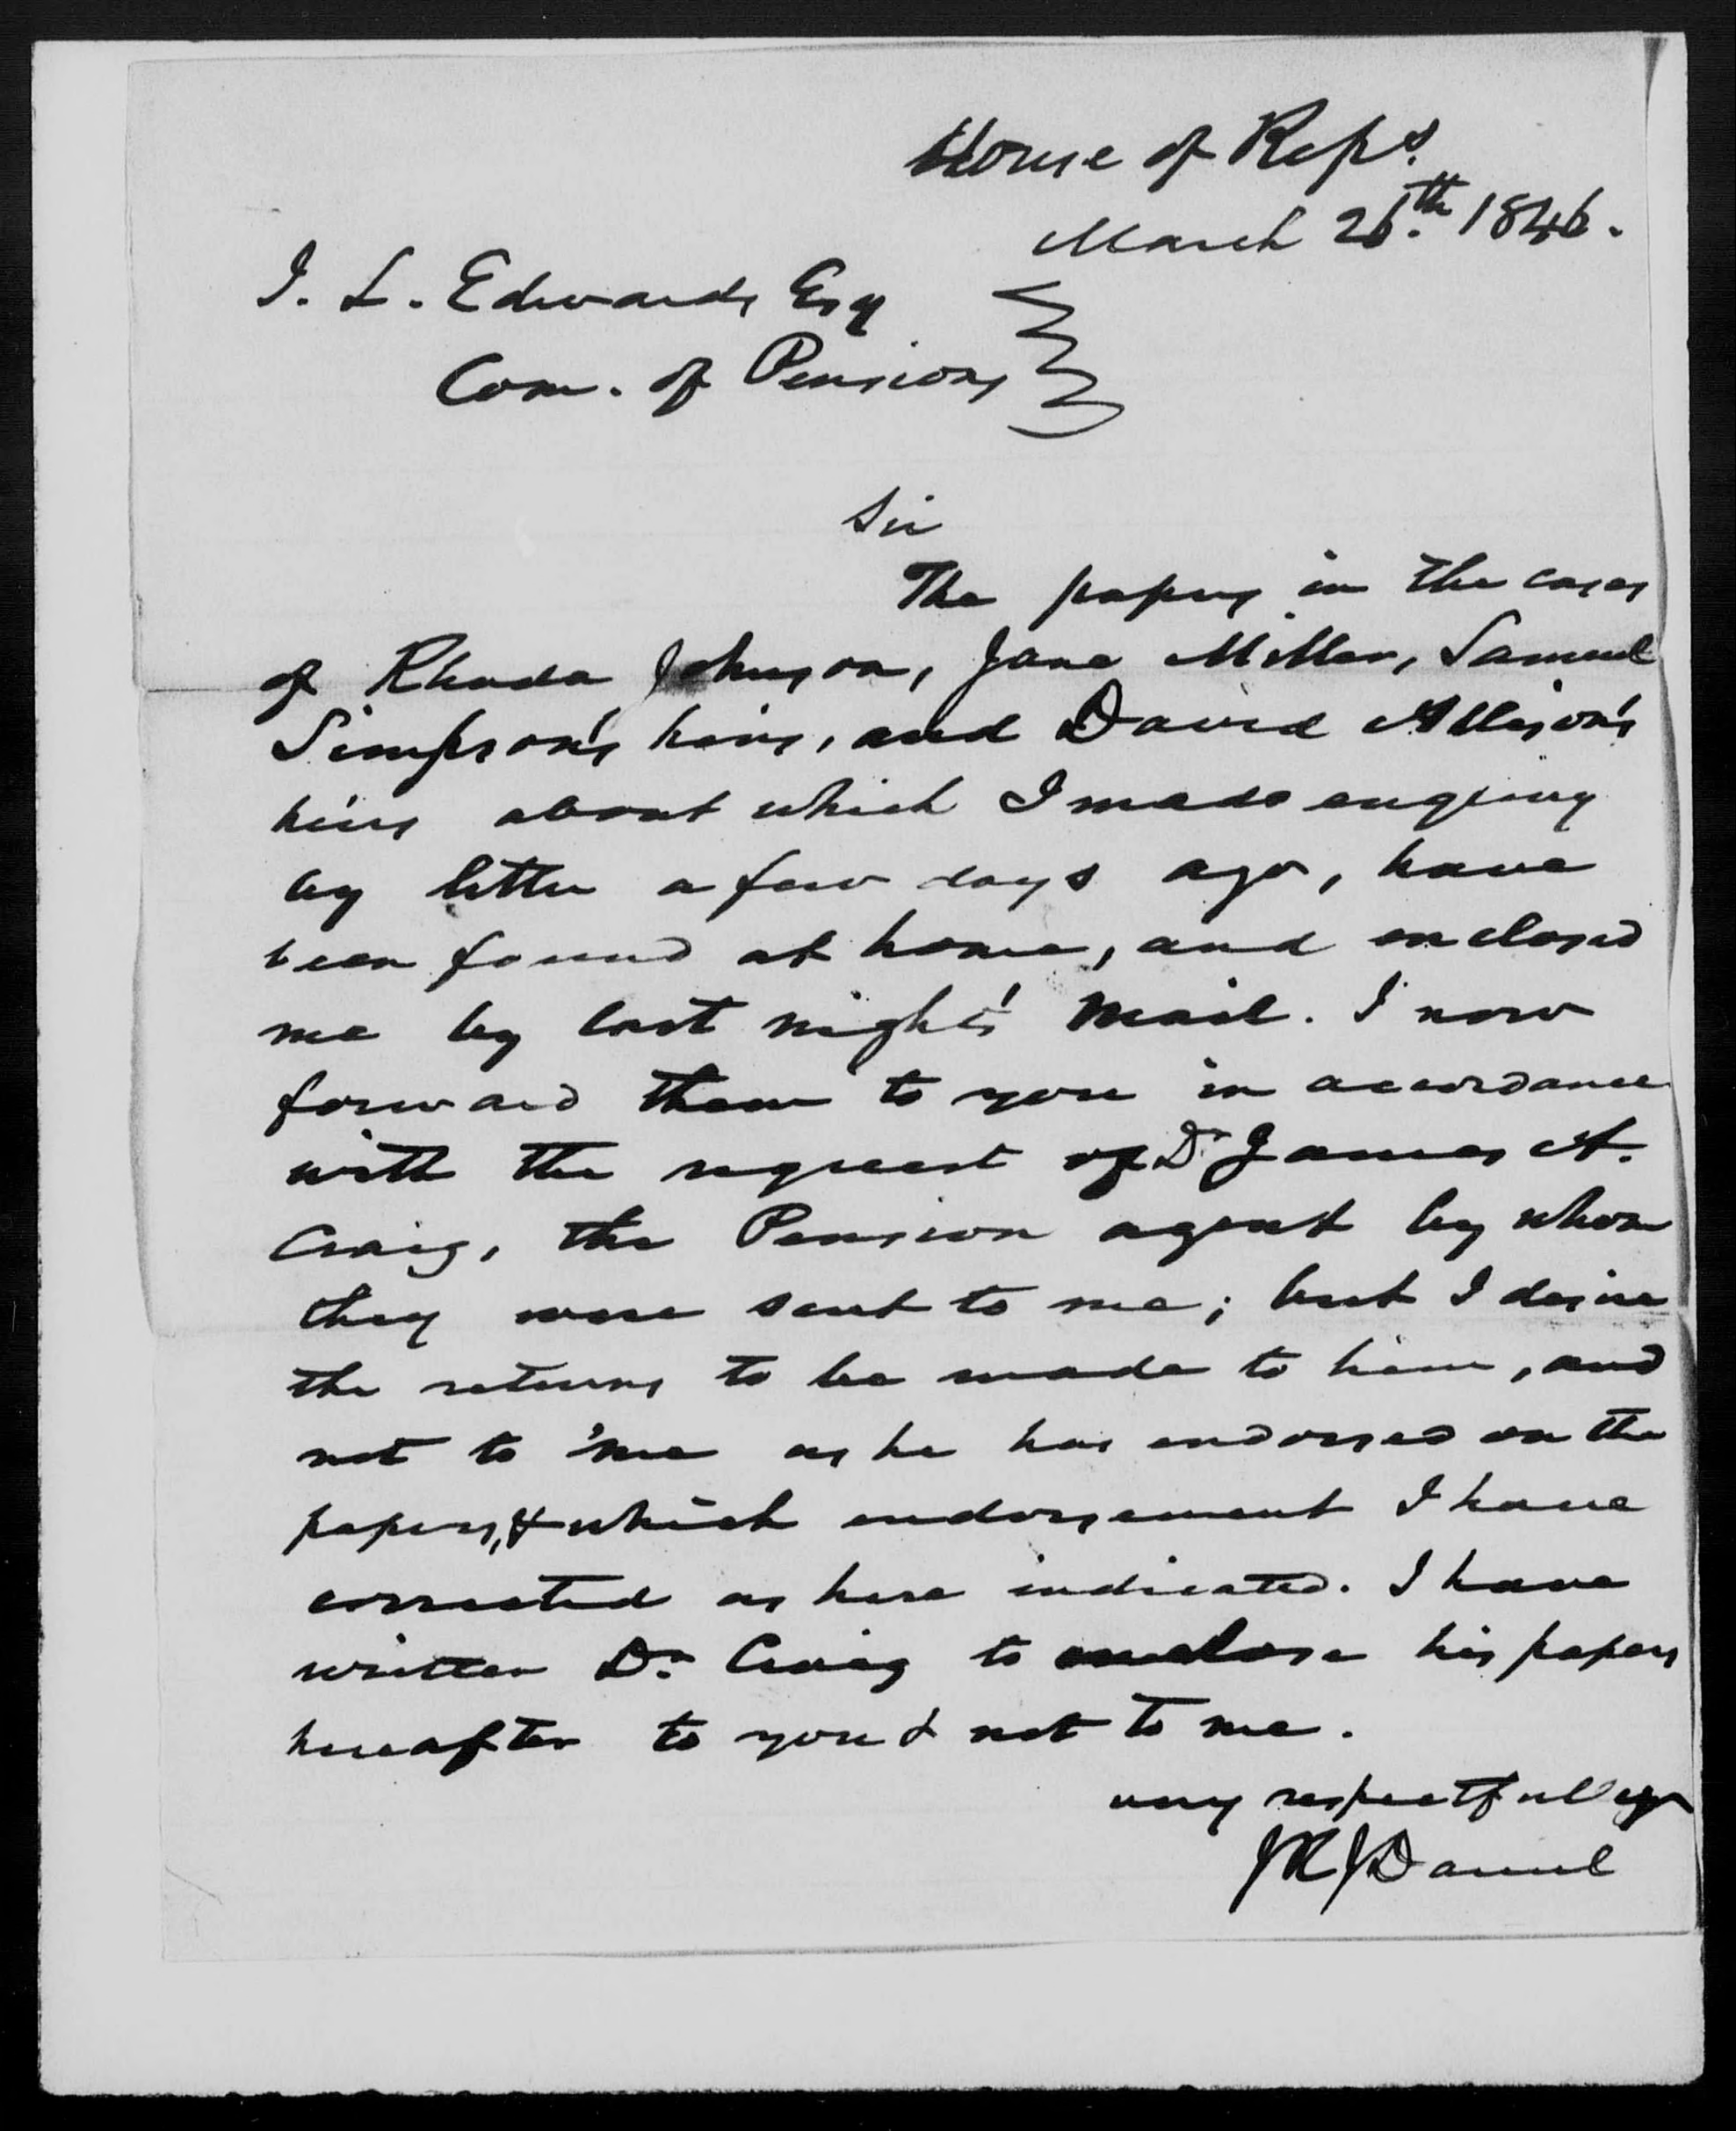House of Rep
March 26th 1846
J.L. Edwards Esq
Com. of Pensions

Sir 
The papers in the case of Rhoda Johnson, Jane Miller, Samuel Simpson's heir, and David Allison's heir about which I made enquiry by letter a few days ago, have been found at home, and enclosed me by last night's mail.   I now forward them to you in accordance with the request of Dr James A. Craig, the pension agent by whom they were sent to me; but I desire the return to be made to him, and not to me and he has answered on the papers, and which endorsement I have corrected as here indicated. I have written to Dr. Craig to endorse his papers hereafter to you and not to me. 
very respectfully yours
JRJDavid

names: Craig, David Allison, Rhoda Johnson, Jane Miller, J R J Daniel, Samuel Simpson, J L Edwards, James A Craig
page: 26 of 33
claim: rejected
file: R. 155, David Allison, N.C.